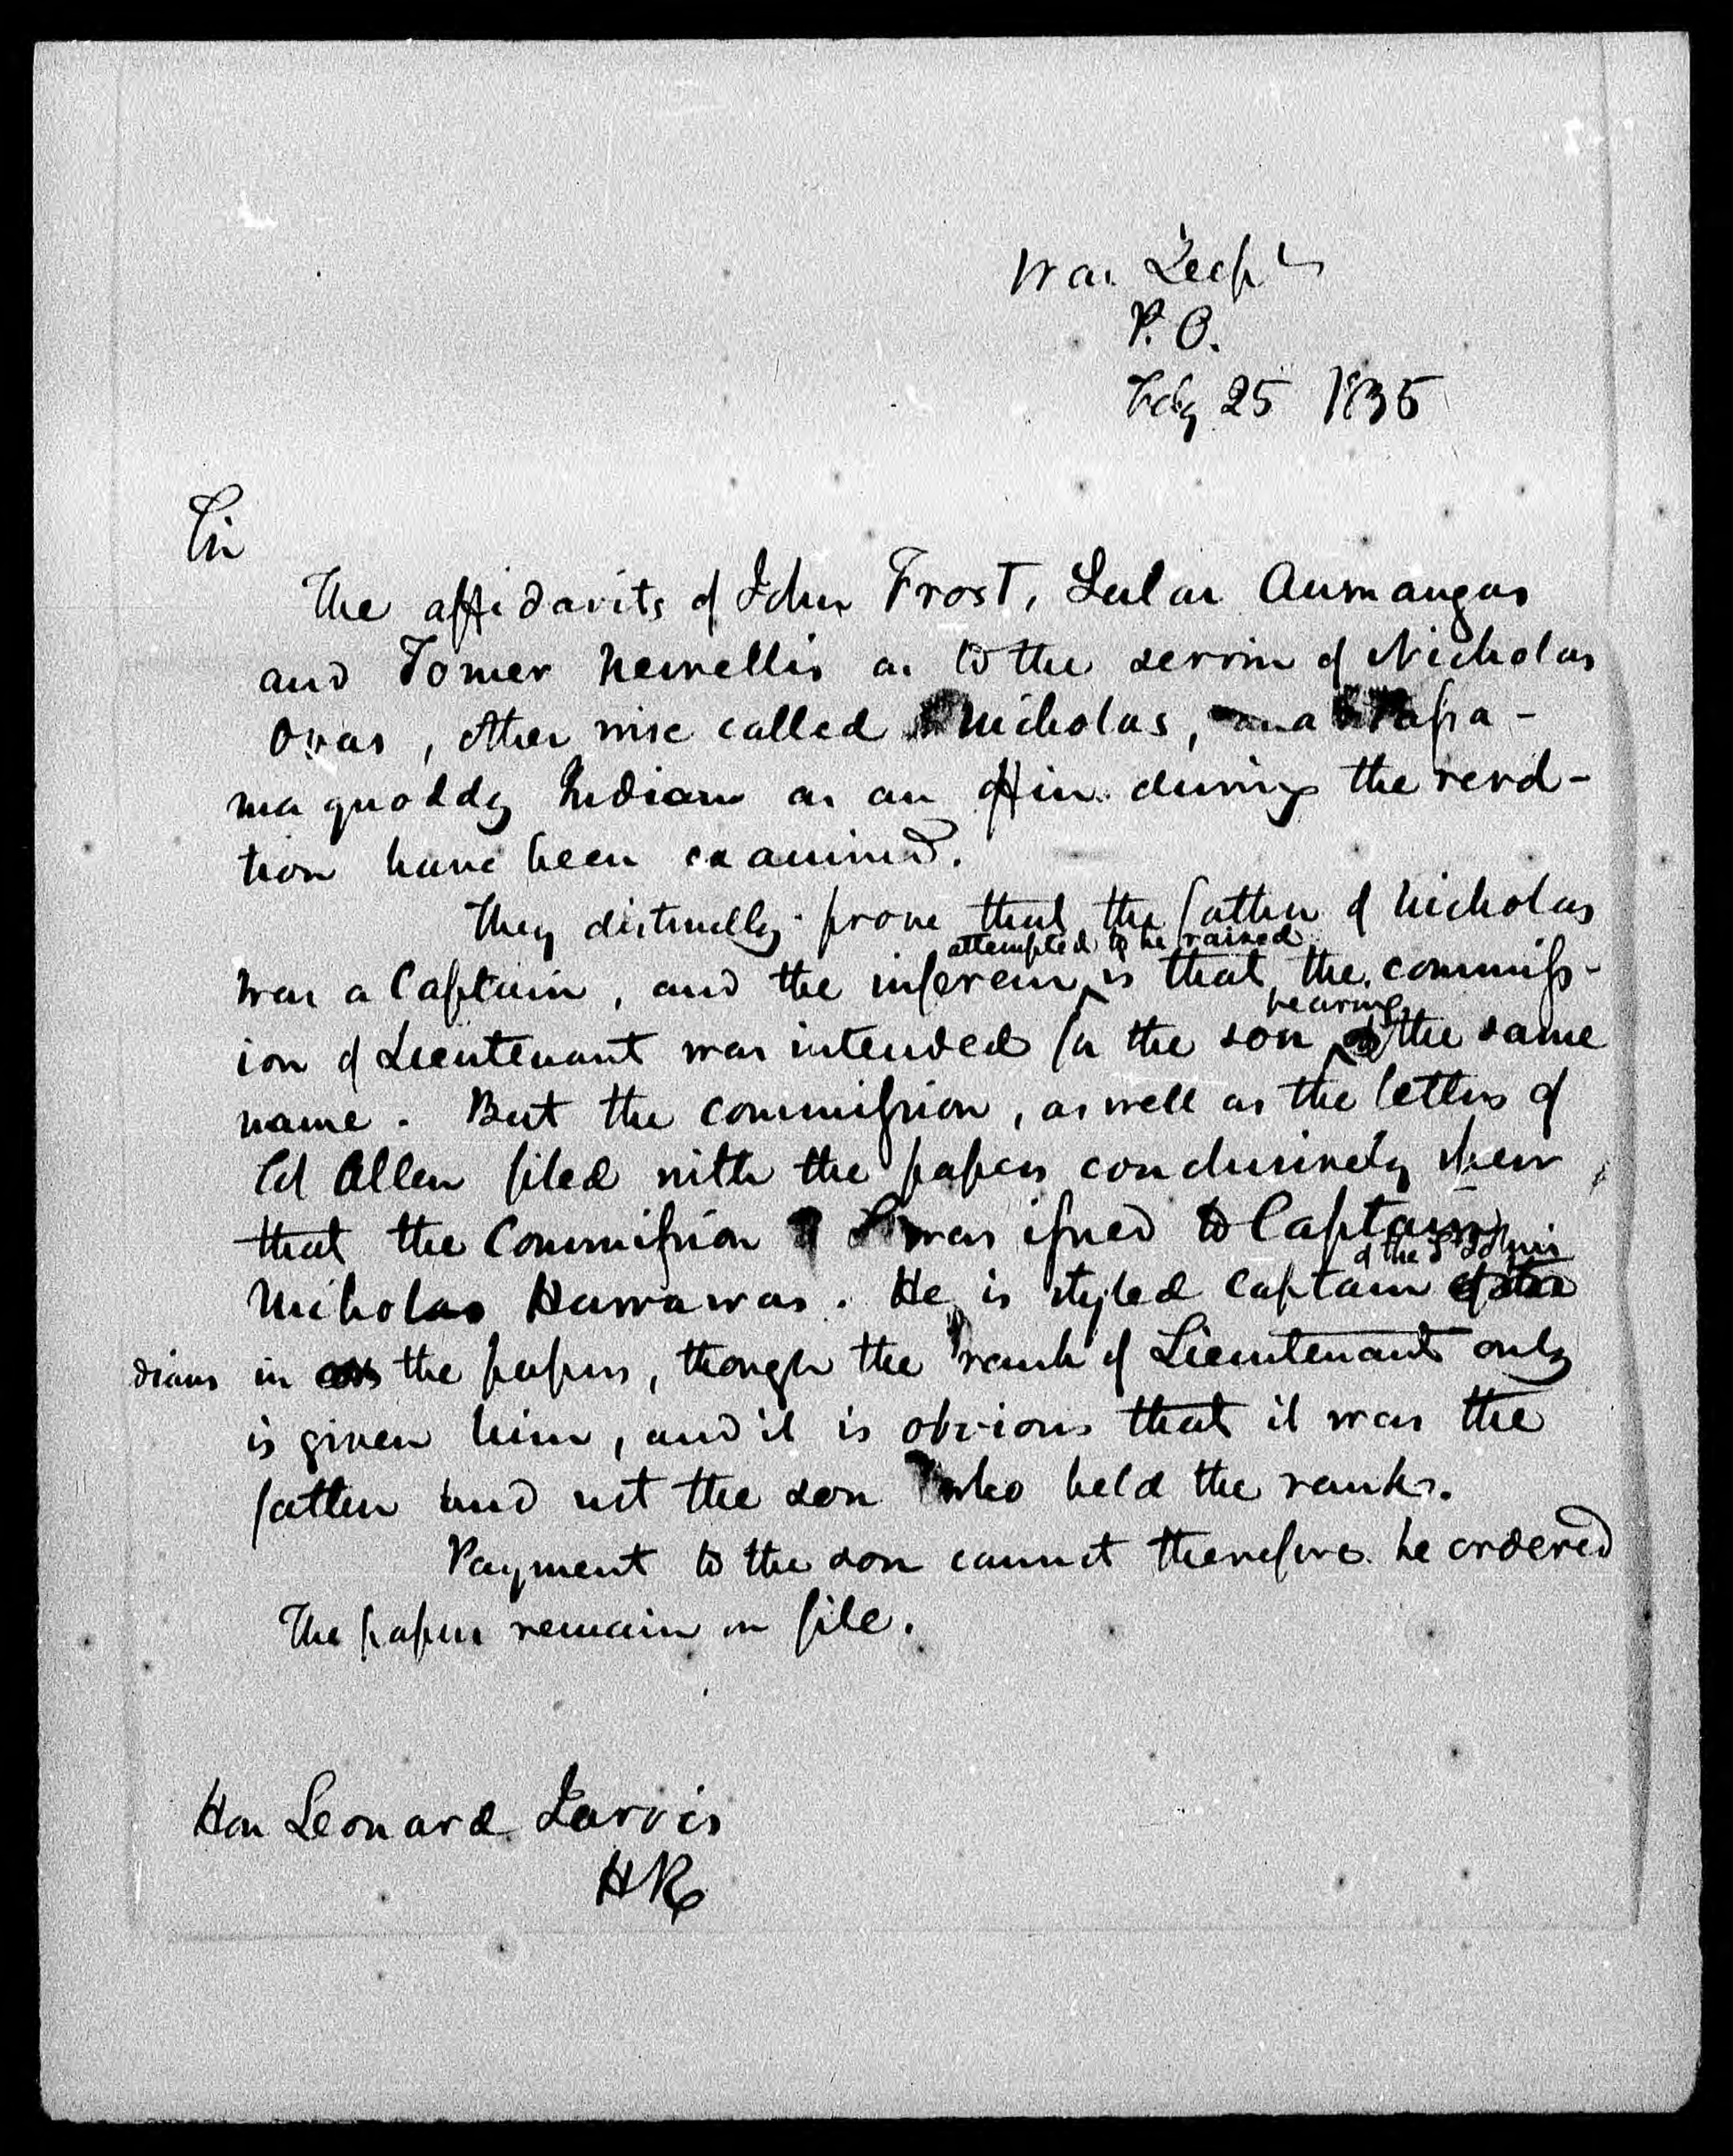War Dept
P. O.
July 25 1835

Sir

The affidavits of John Frost, Lular Aumangus and Tomer Newellis as to the [service] of Nicholas Ovas, other men called Nicholas, an [Passamaquoddy] Indian as an [?] during the revolution have been examined.

They distinctly prove that the father of Nicholas was a Captain, and the inference attempted to be raised is that the commission of Lieutenant was intended [for] the son bearing the same name. But the commission, as well as the letters of [Col] Allen filed with the papers [concluded then] that the Commission was [issued] to Captain Nicholas Hawawas. He is styled Captain of the [5th Indians] in the papers, though the rank of Lieutenant only is given him, and it is obvious that it was the father and not the son who held the rank.

Payment to the son cannot therefore be ordered. The papers remain in file.

Hon. Leonard Jarvis.
HR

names: Leonard Jarvis, Allen, Tomer Newellis, Lular Aumangus, Nicholas Hawawas, Nicholas Ovas, Nicholas, John Frost, Nicholas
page: 45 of 52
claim: survivor's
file: S 17997, Nicholas Hawwawas, Mass.